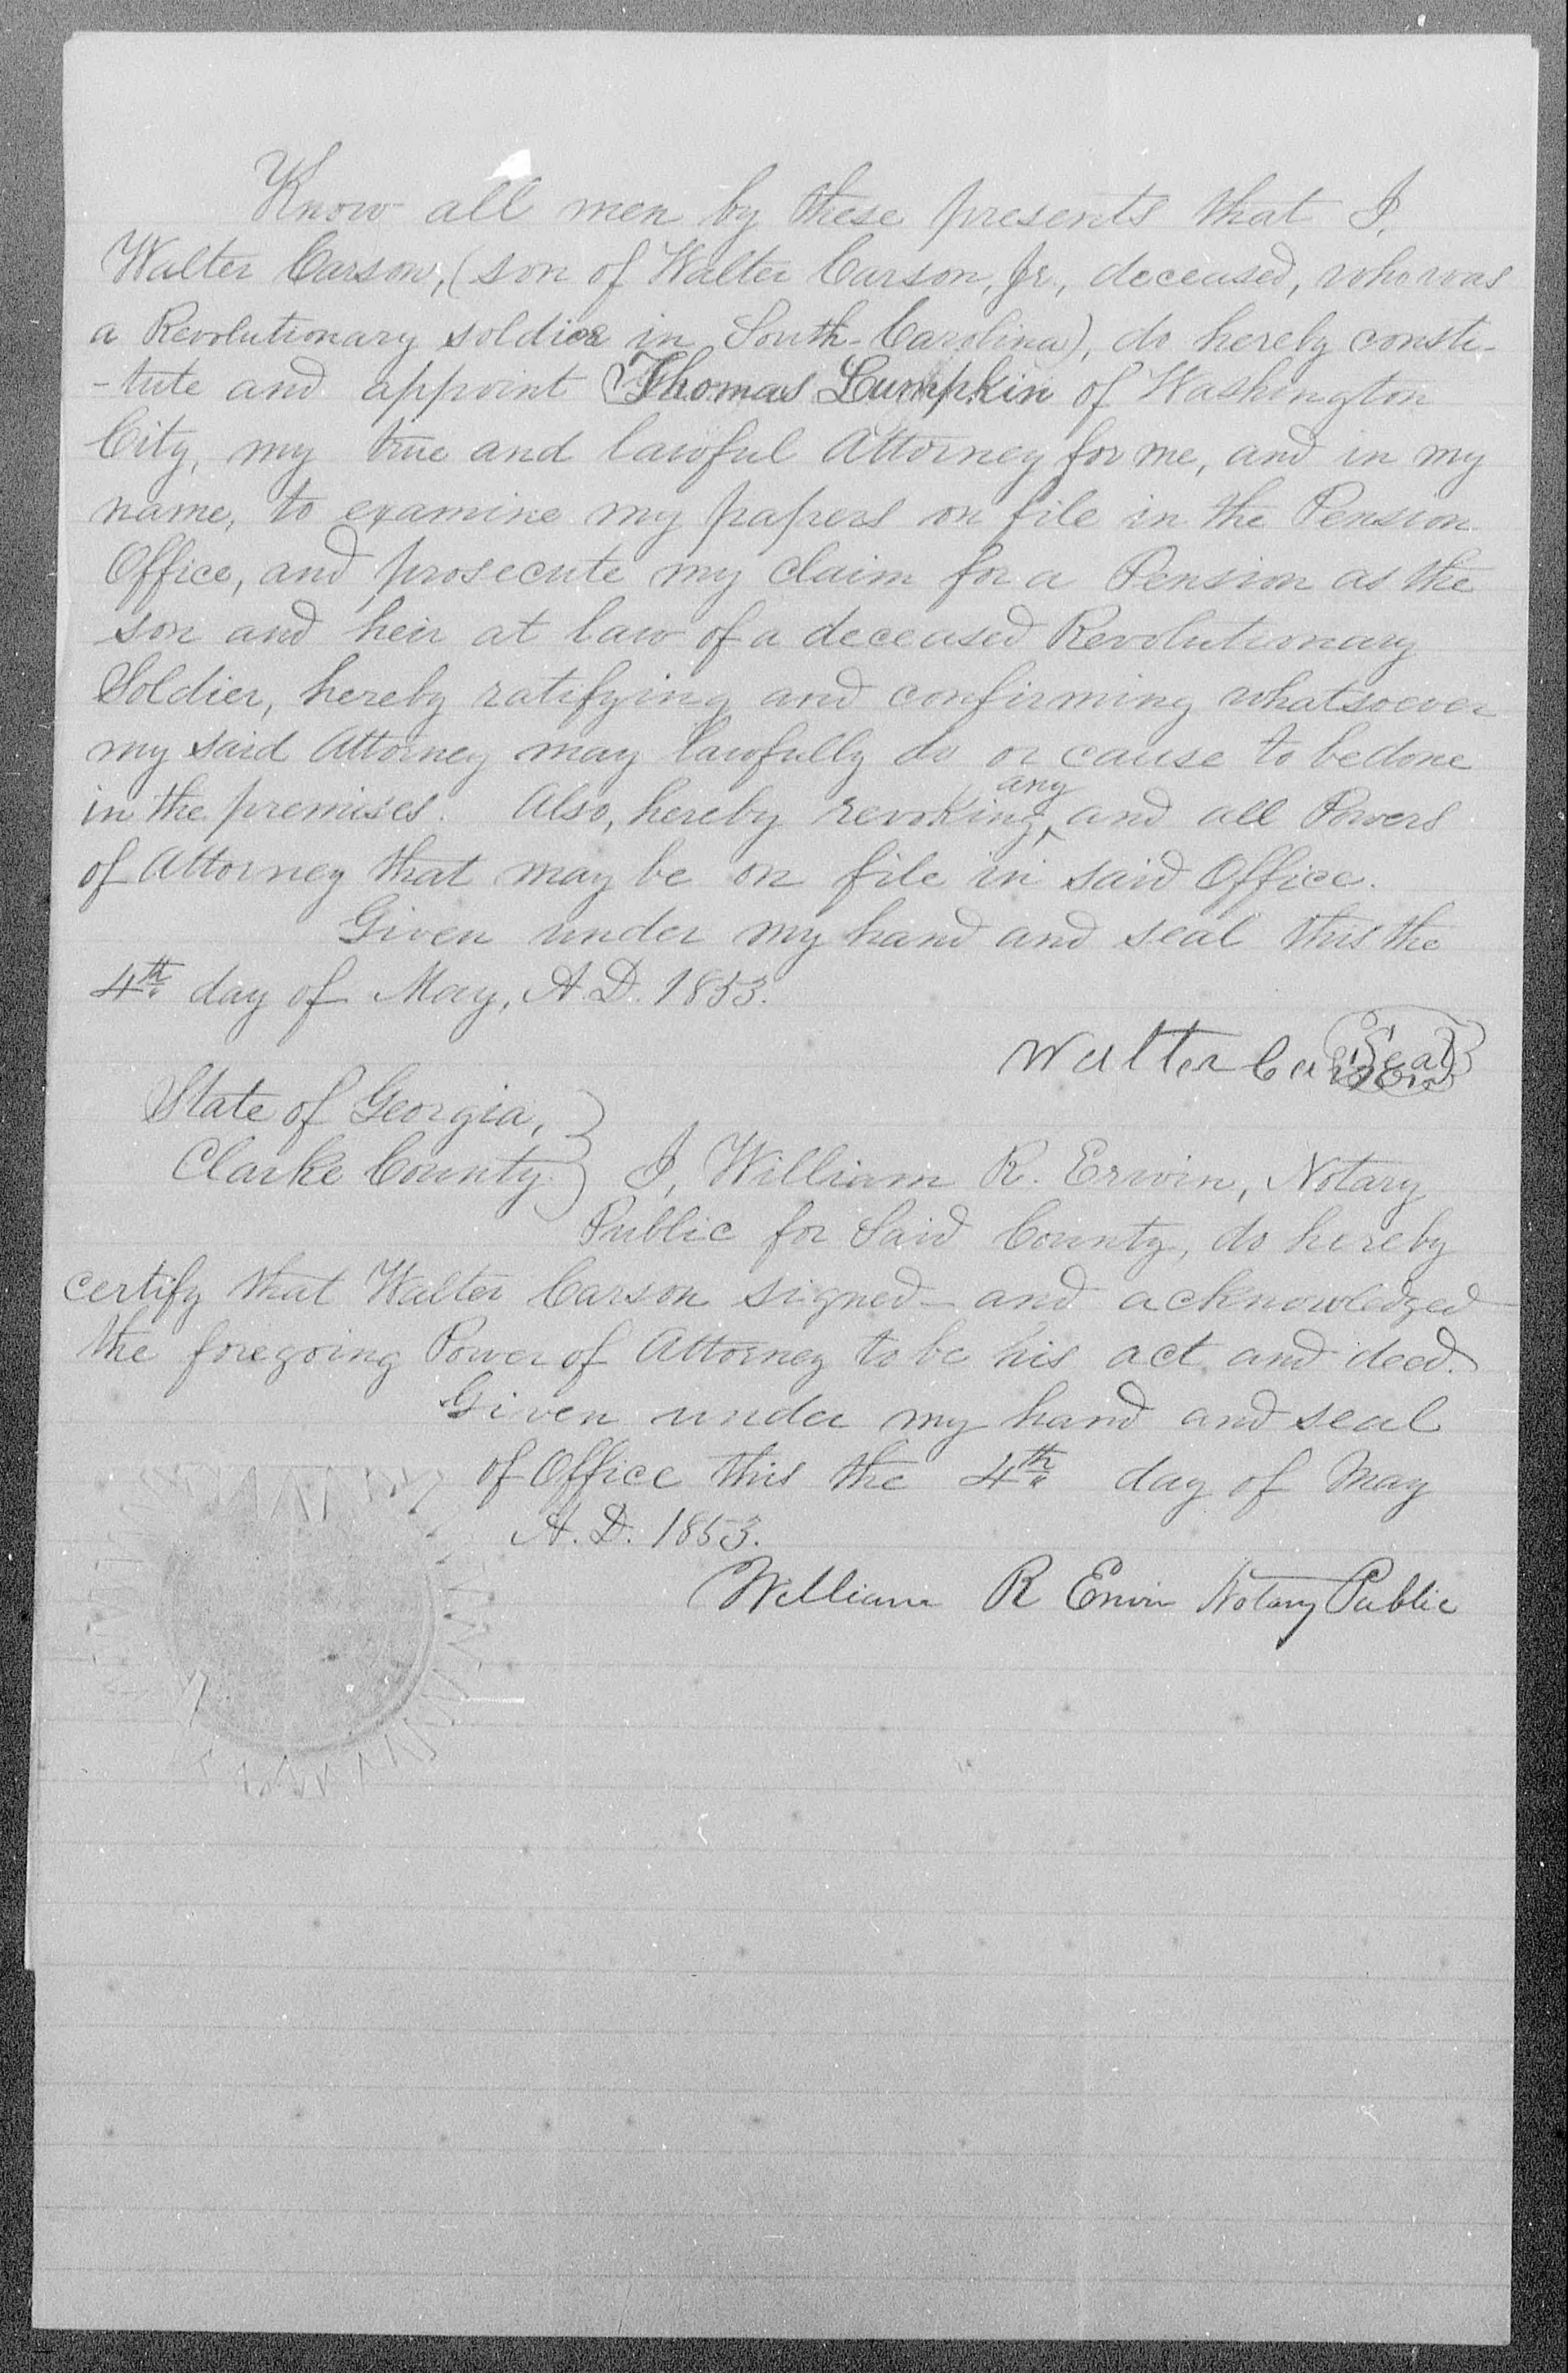Know all men by these presents that I, Walter Carson, (son of Walter Carson, Jr., deceased, who was a Revolutionary soldier in South Carolina), do hereby constitute and appoint Thomas Lumpkin of Washington City, my true and lawful Attorney for me, and in my name, to examine my papers on file in the Pension Office, and prosecute my claim for a Pension as the son and heir at law of a deceased Revolutionary Soldier, hereby ratifying and confirming whatsoever my said Attorney may lawfully do or cause to be done
in the premises. Also, hereby revoking any and all Powers of Attorney that may be on file in said Office.
Given under my hand and seal this the 4th day of May, A.D. 1853.
Walter Carson (seal)

State of Georgia,
Clarke County
I, William R. Erwin, Notary Public for said County, do hereby certify that Walter Carson signed and acknowledged the foregoing Power of Attorney to be his act and deed.
Given under my hand and seal of Office this the 4th day of May A.D. 1853.
William R Erwin Notary Public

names: Thomas Lumpkin, Walter Carson, Walter Carson, William R Erwin, Walter Carson, Walter Carson, William R Erwin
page: 21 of 34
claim: rejected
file: R. 1,738, Walter Carson, N.C. S.C.